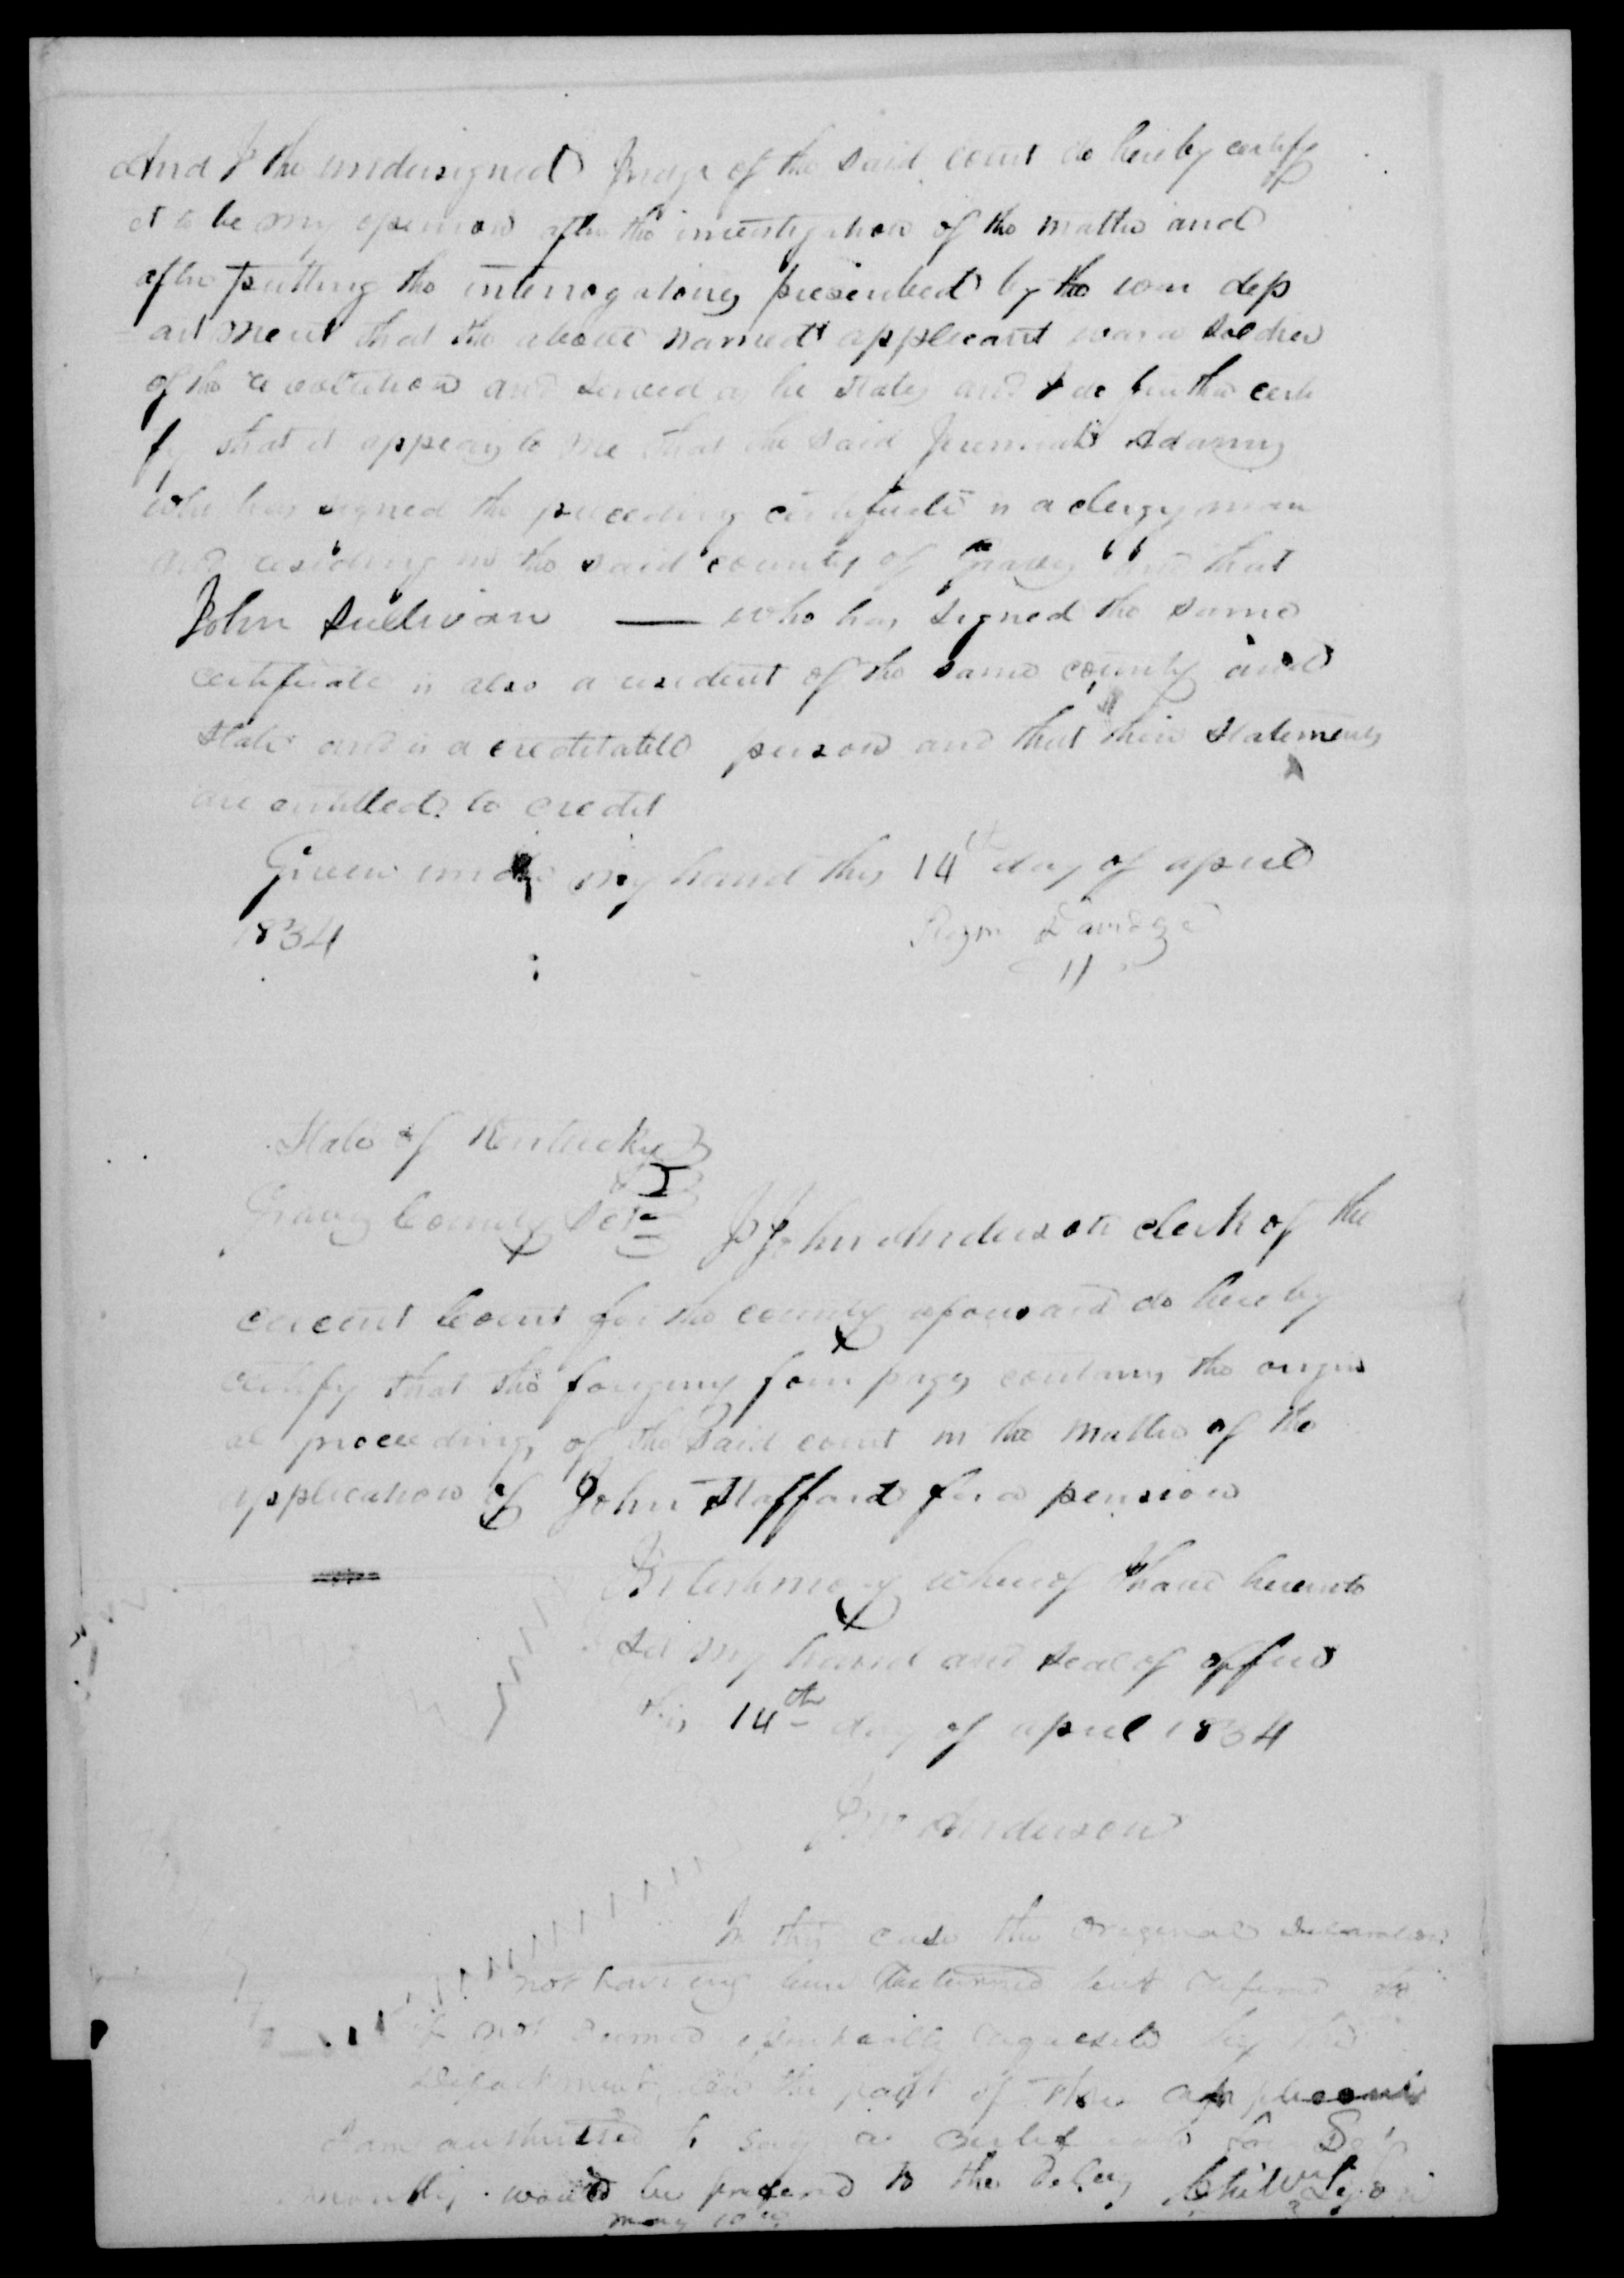and I the undersigned myself of the said court do hereby certify et[?] to be my opinion after the imenty[?] now of the matter and after putting the inenog[?] aloines[?] presented by the com[?] department that the above named applicant was a soldier of the revolution and served as he states and i do find the certify that it appears to me that the said Jeremiah Adamswho has signed the preceding certificate is a clergy man and residing in the said county of Graves and that John Sullivan—who has signed the same certificate is also a resident of the same county and state and is a creditable person and that their statements are antilled[?] to credit.

Given im[unreadable] my hand this 14th day of April1834

Rezin Davidge

State ofKentucky
Graves County 	Seal

I John Anderson clerk of the circuit Court for the county aforesaid do hereby certify that the foregoing four pages contain the the original proceedings of the said court in the matter of the application of John Stafford for a pension

Testimony whereof  I have hereunto set my hand and seal of office this 14th day of April 1834
Jno Anderson

In this case the  original information not having been tactonned[?] but requested by the Department, law[?] the next of this applicant. I am authorised to say a rulif[?]  [unreadable] for 6 months would be preferred to the delay Chilva[?] Taylor 
May [unreadable]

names: Rezin Davidge; Child Lyon; John Stafford; J John Anderson; Franz Conney; John Sullivan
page: 8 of 61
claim: widow's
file: W. 11554, for John Stafford, Maryland